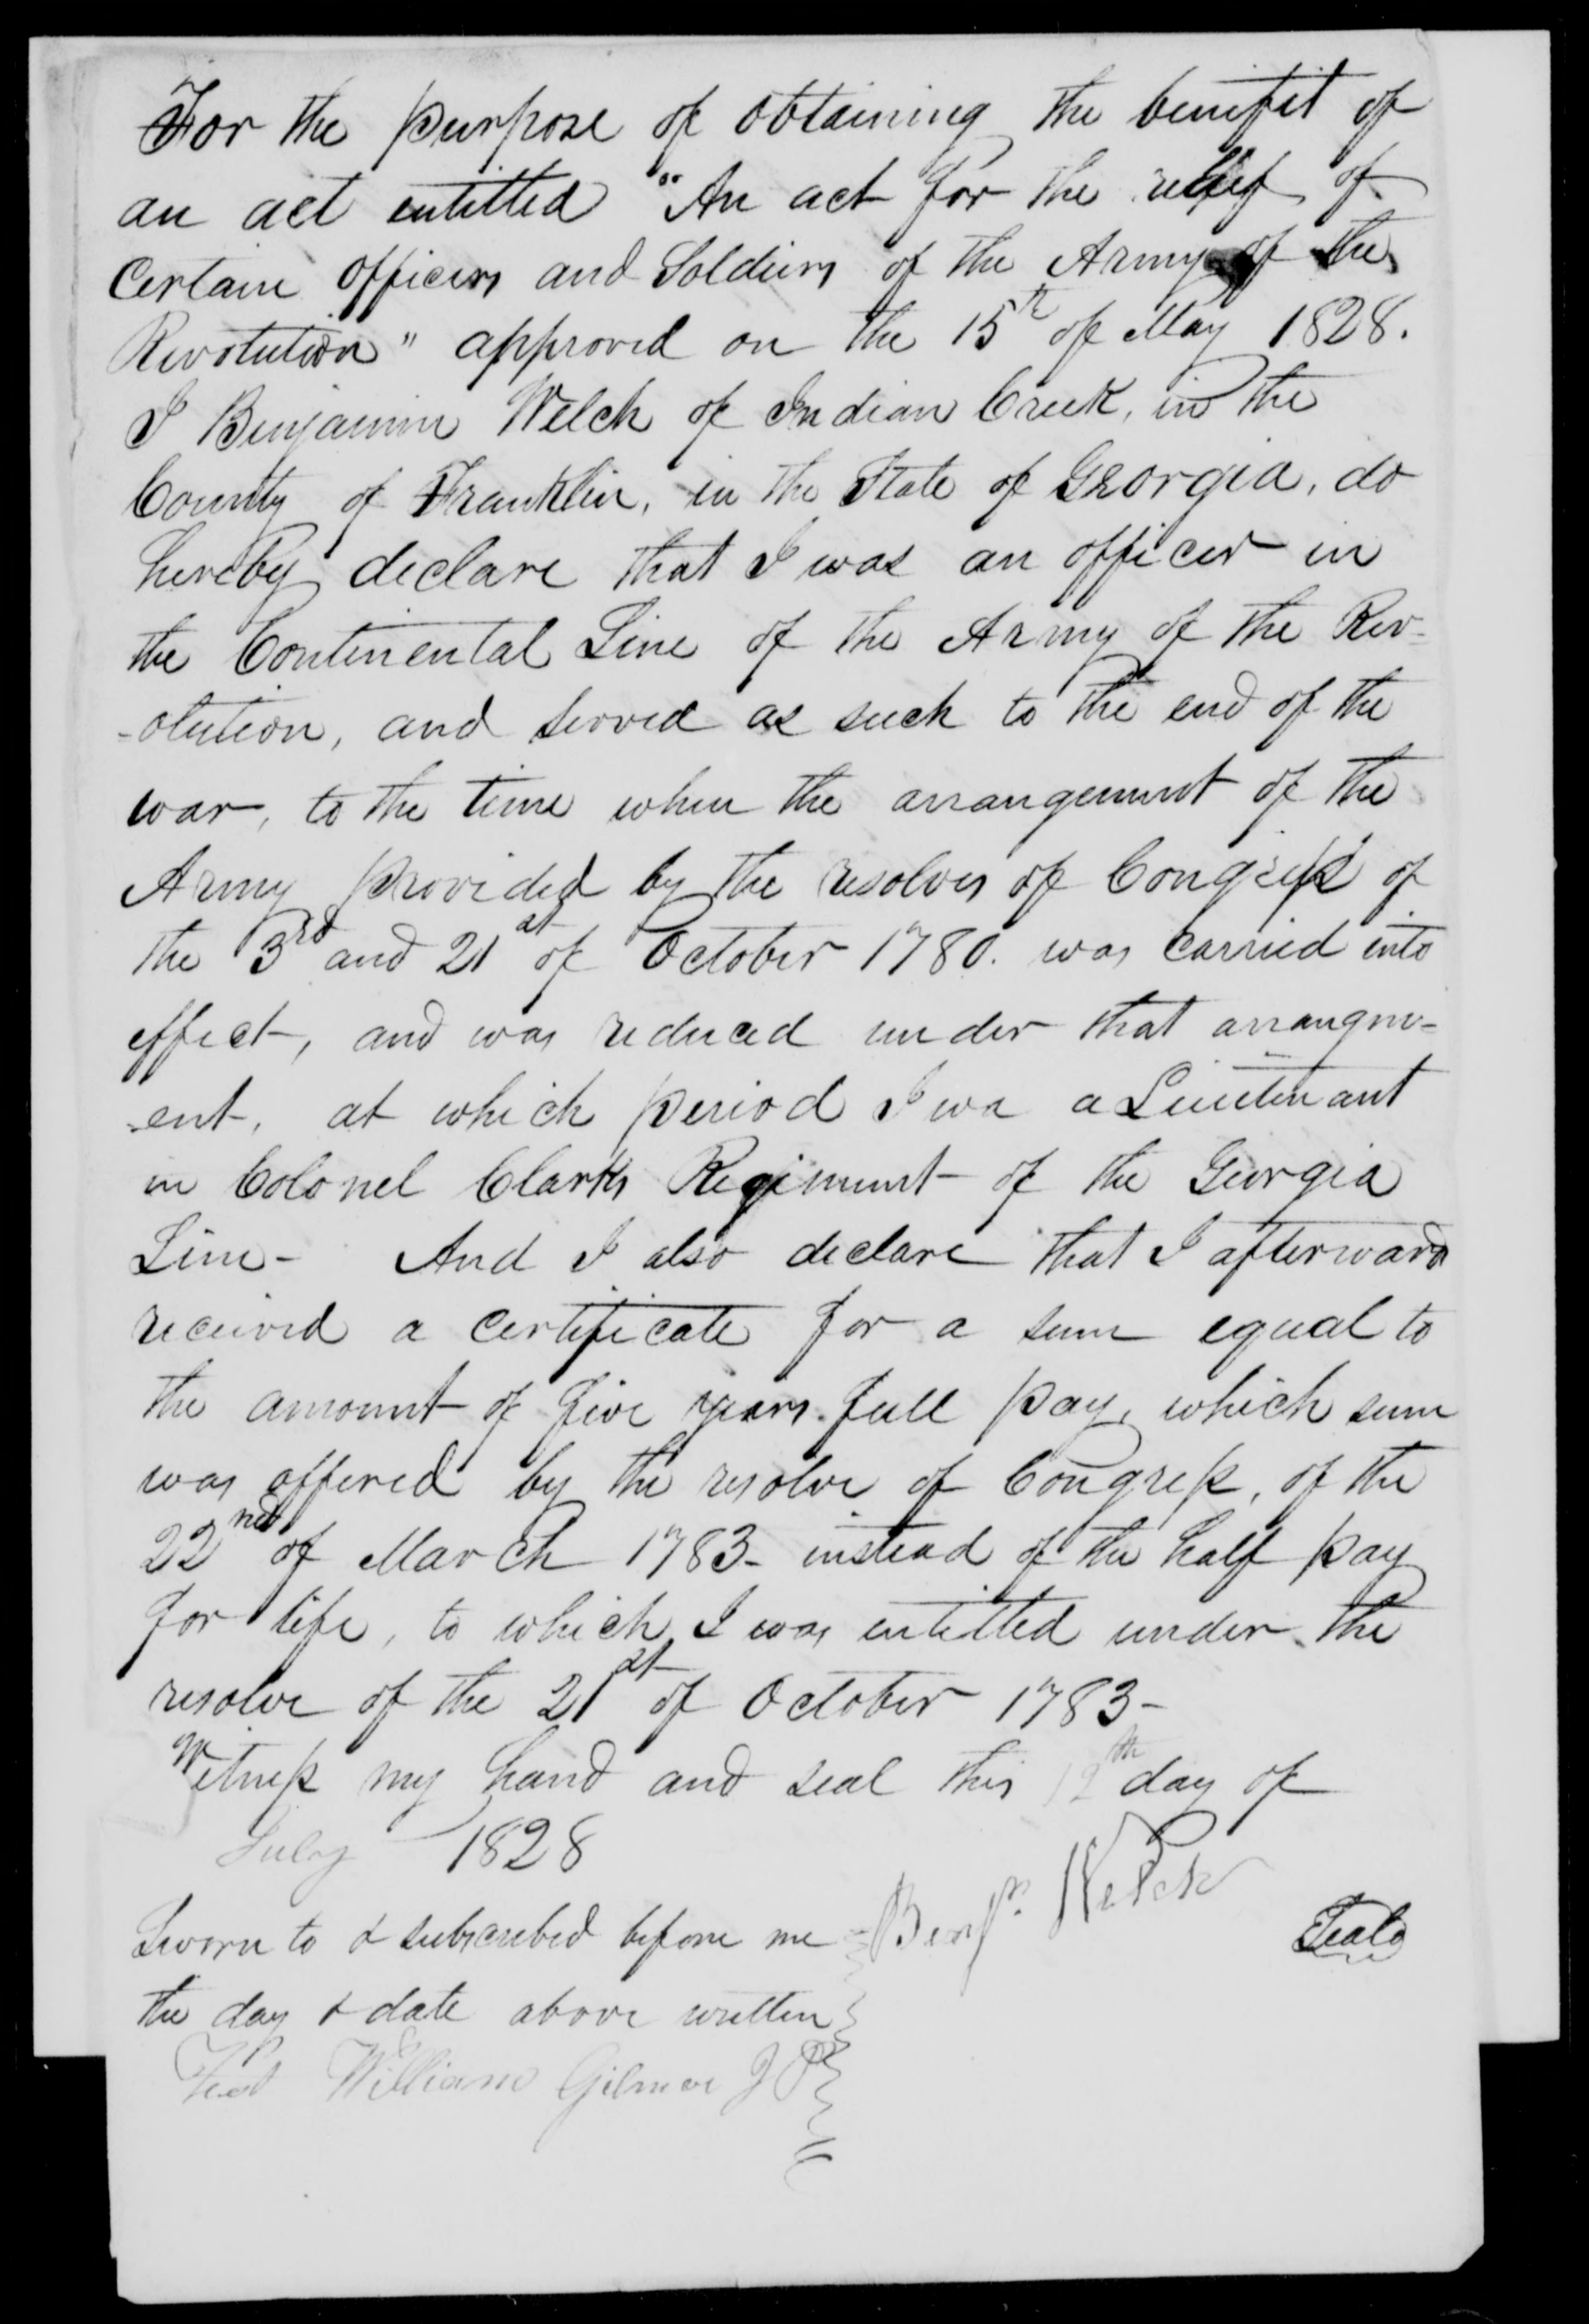For the purpose of obtaining the benefit of 
an act bulitted " An act for the way of 
certain officers and soldiers of the Army of the 
Revolution" approved on the 15th of May 1828.
I Benjamin Welch of Indian Creek, in the 
County of Franklin, in the State of Georgia, do 
hereby declare that I was an officer in
the Continental Line of the Army of the Rev
-olution, and served as such to the end of the
war, to the time when the arrangement of the 
Army provided by the wolves of Congress of 
the 3rd and 21st of October 1780 was carried into
effect, an war reduced under the arrangement
at which period I was a Lieutenant
in Colonel Clark Regiment of the Georgia
Line  And I also declare that I afterward
received a certificate for a  serve equal to 
the amount of give yam. Full pay, which serve 
war offered by the resolve of Congress, of the
22nd of March 1783. Instead of the half pay 
for life, to which I was entitled under the 
resolve of the 21st of October 1783
Wituck my hand and seal the 12th day of 
July 1828
Sworn to and Subscribed before me
the day and date above written
Fred William Gilmore J O
Benj. Welch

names: William Gilmor, Benjamin Welch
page: 2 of 23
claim: rejected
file: R. 20,446, Benjamin Welch, Ga.